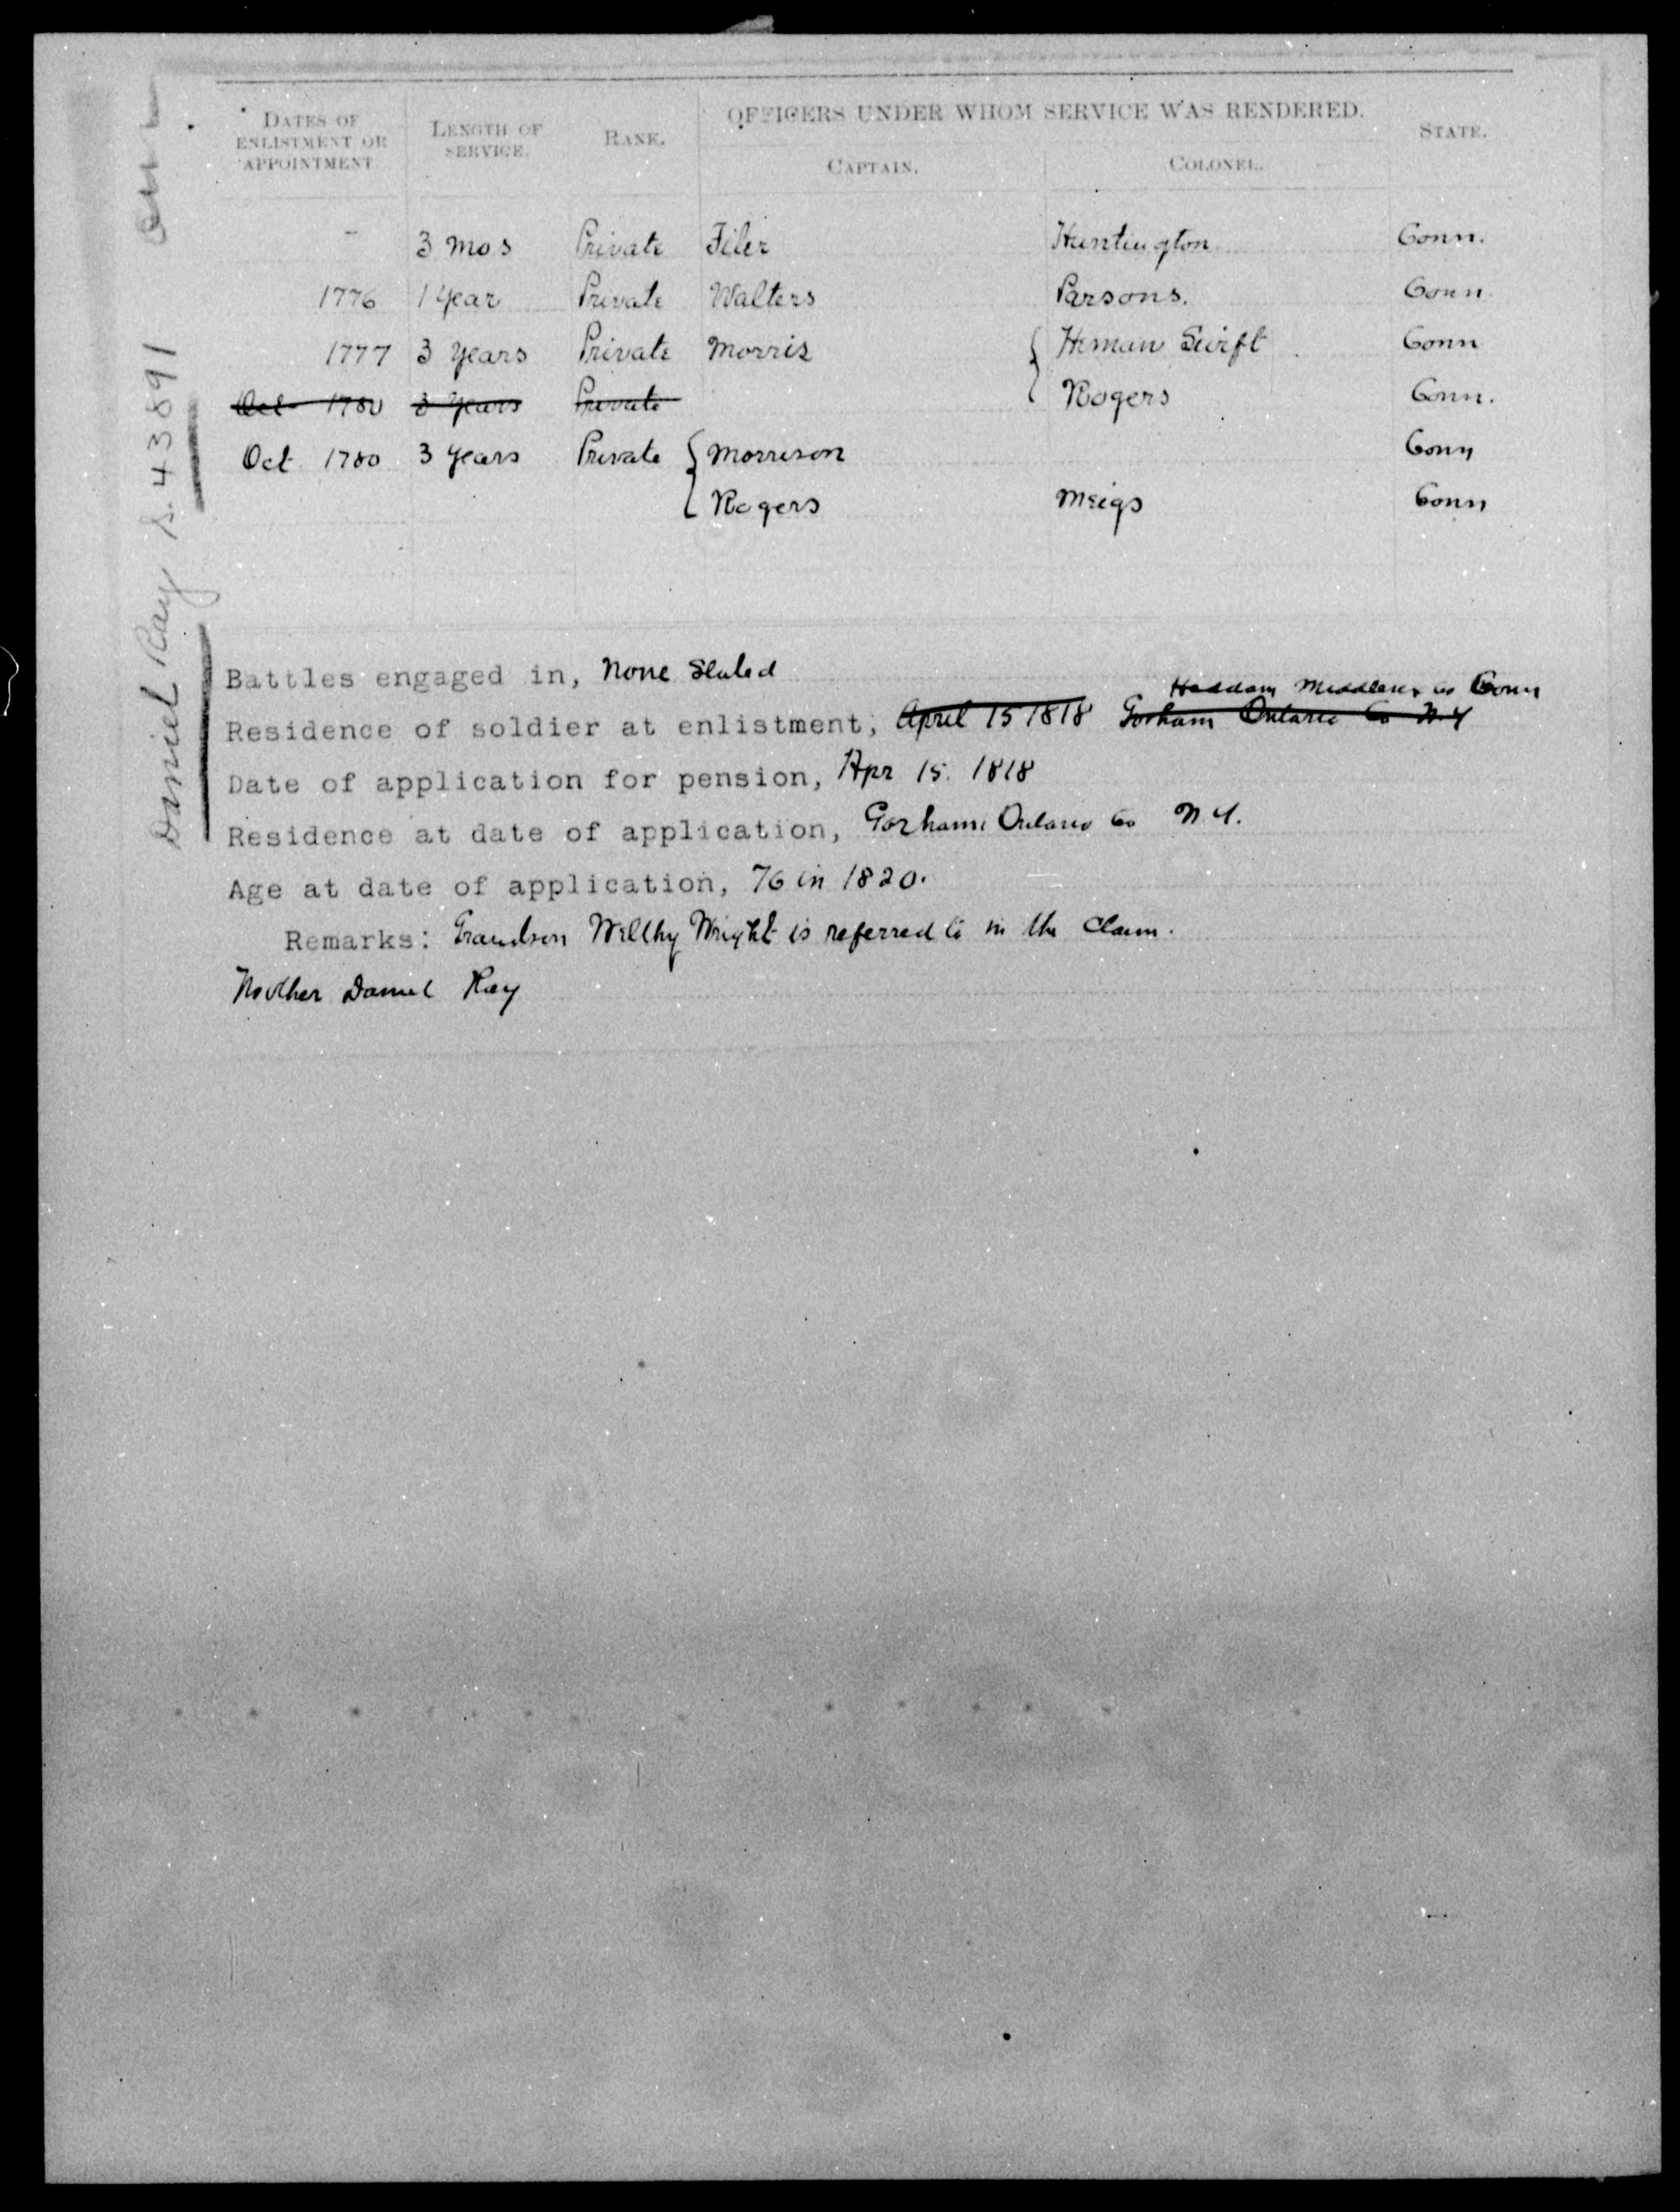[written down side margin]: Daniel Ray S.43891 [illegible]

DATES OF ENLISTMENT OR APPOINTMENT
-
1776
1777
[Oct 1780 crossed out]
Oct 1783

LENGTH OF SERVICE
3 mos
1 year
3 years
[3 years crossed out]
3 years

RANK
Private
Private
Private
[Private crossed out]
Private

OFFICERS UNDER WHOM SERVICE WAS RENDERED
CAPTAIN       COLONEL
Filer                 HUNTINGTON
Walters           PARSONS
Morris             {Herman Swift
                         {Rogers
{Morrison
{Rogers            Meigs

STATE
Conn.
Conn.
Conn.
Conn.
Conn.
Conn.

Battles engaged in, None Stated
Residence of soldier at enlistment, {crossed out: April 15 1818 Gorham Ontario County N.Y.] 
Haddam Middlesex Co Conn
Date of application for pension, Apr 15 1818
Residence at date of application, Gorham Ontario Co N.Y.
Age at date of application, 76 in 1820
Remarks: Grandson Willhy Wright is referred to in the claim.
No other Daniel Ray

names: [BLANK] Rogers; [BLANK] Huntington; [BLANK] Filer; [BLANK] Morrison; Welthy Wright; [BLANK] Walters; [BLANK] Morris; Daniel Ray; Daniel Ray; [BLANK] Meigs; Heman Swift; [BLANK] Rogers; [BLANK] Parsons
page: 14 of 20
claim: survivor's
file: S. 43891, for Daniel Ray, Connecticut